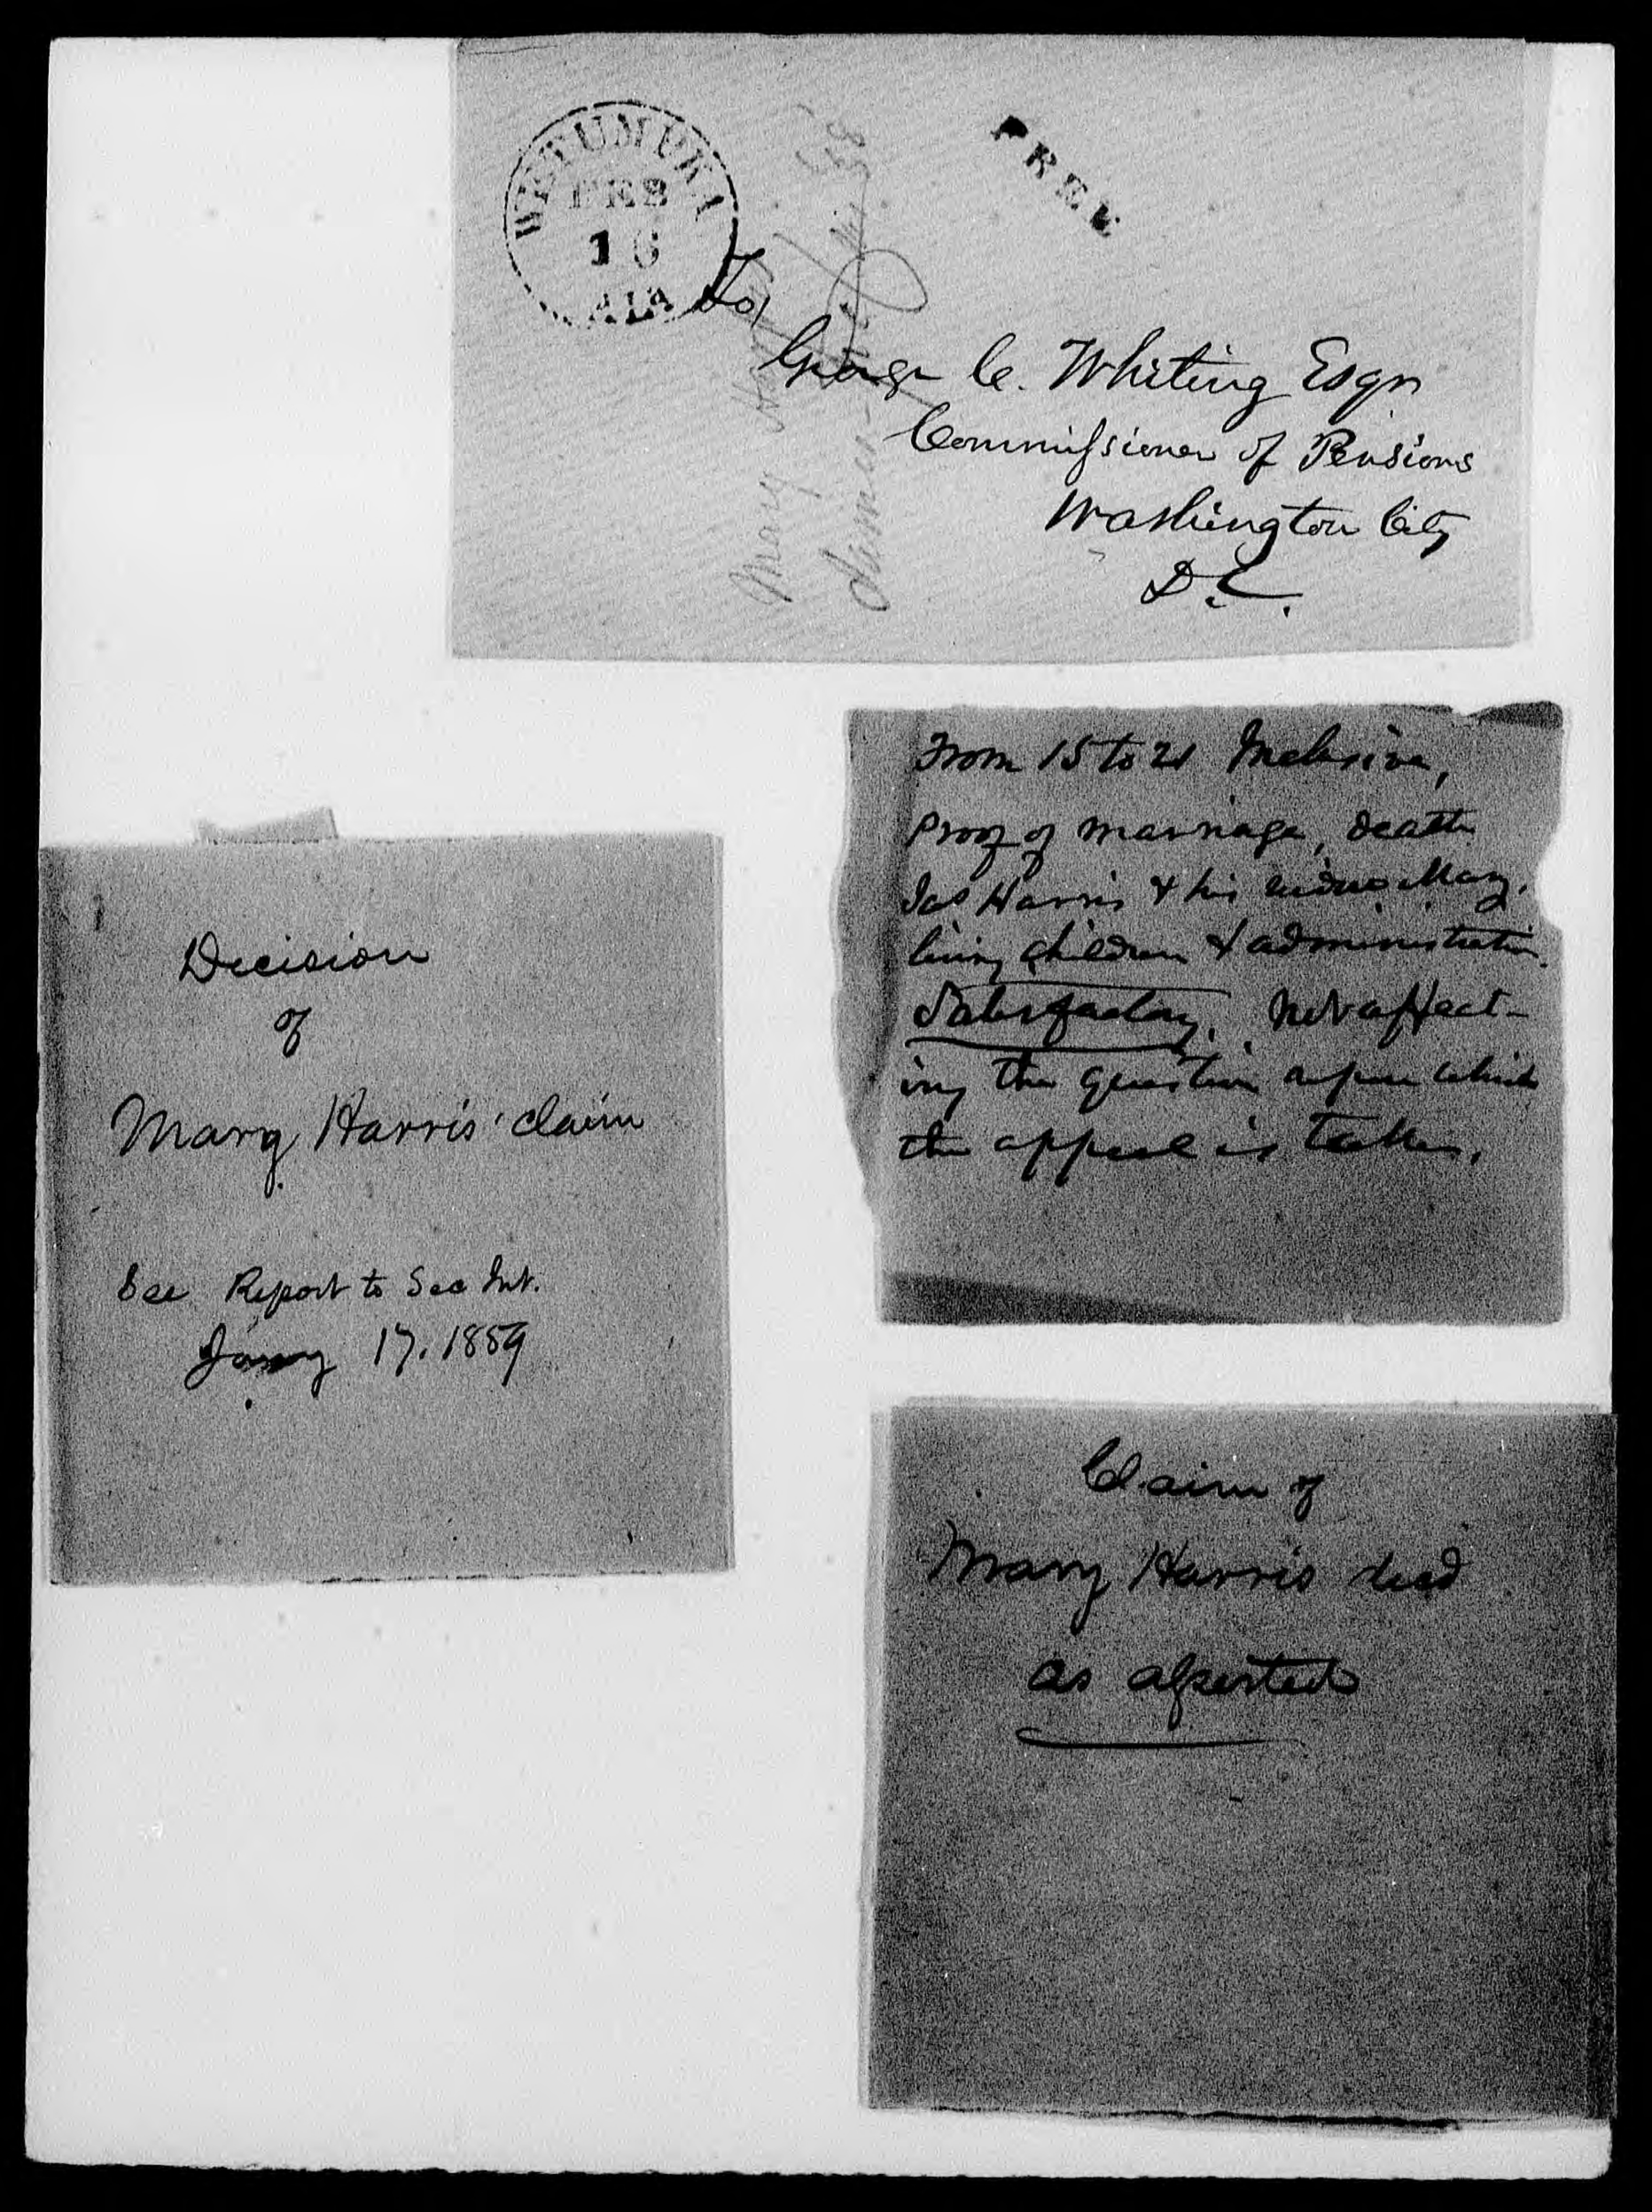[item is an envelope]

[postmark]
WETUMPKA 
FEB 
16
ALA

FREE

George C. Whiting Esqr
Commissioner of Pensions
Washington City
D.C.
____________

[three small sheets of paper]

From 15 to 21 [?]
Proof of marriage, death
Jas. Harris & his heirs Mary,
living children & administration.
Satisfactory, Not affect-
ing the question upon which
the appeal is taken.

_____________

Decision 
of Mary Harris claim

See Report to Sec Int.
Jany 17, 1854

______________

Claim of
Mary Harris decd
as asserted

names: Mary Harris, Mary, Jas Harris, Mary Harris, George C Whiting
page: 118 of 160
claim: rejected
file: R. 4666, James Harris, Va.